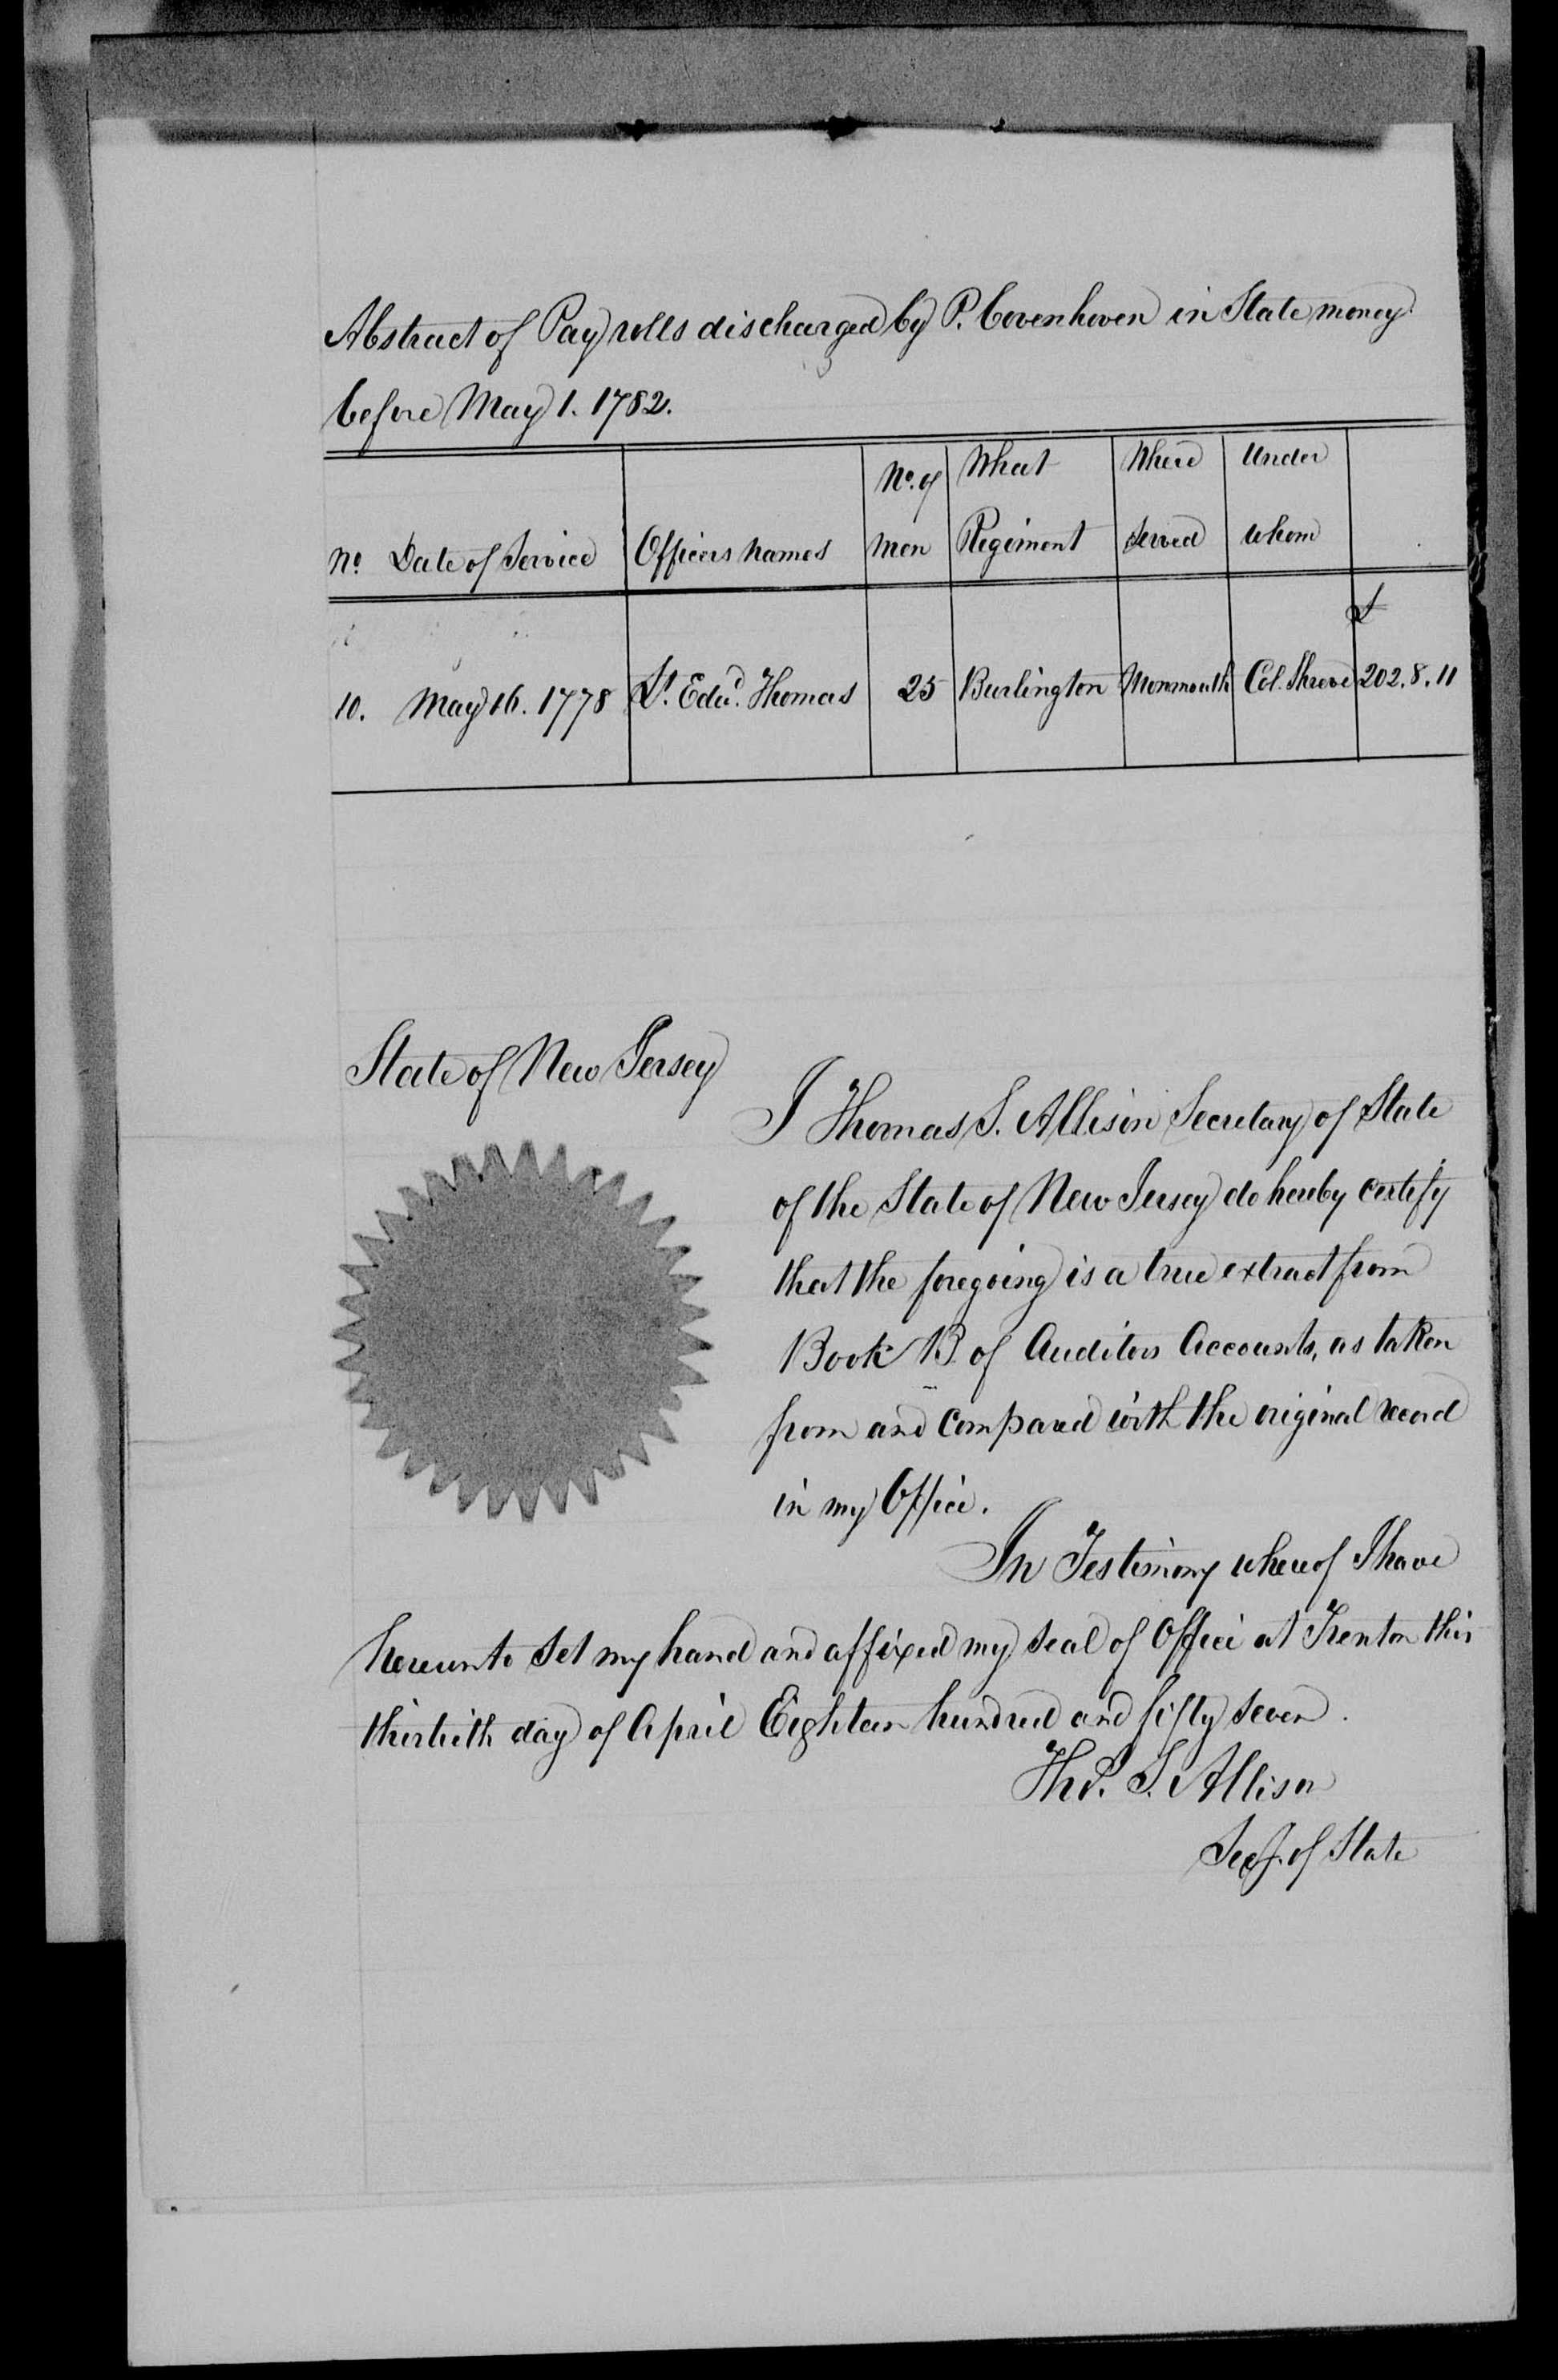Abstract of Payrolls discharged by P. Covenheven in State money before May 1, 1782

No. Date of Service Officers Named No. of men What regiment Where Served Under Whom
10. May 16, 1778 Lt. Edward. Thomas 25 Burlington Monmouth Col. Sheeve 202.8.11

State of New Jersey
I Thomas S. Allison Secretary of State of the State of New Jersey do hereby certify that the foregoing is a true extract from Book B of Auditors Accounts, as taken from and compared with the original record in my Office. In Testimony whereby I have hereunto set my hand and affixed my Seal of Office at Trenton this thirtieth day of April Eighteen hundred and fifty seven.
Tho. S. Allison
Secty of State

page: 22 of 25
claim: rejected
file: R. 10513, for Edward Thomas, New Jersey